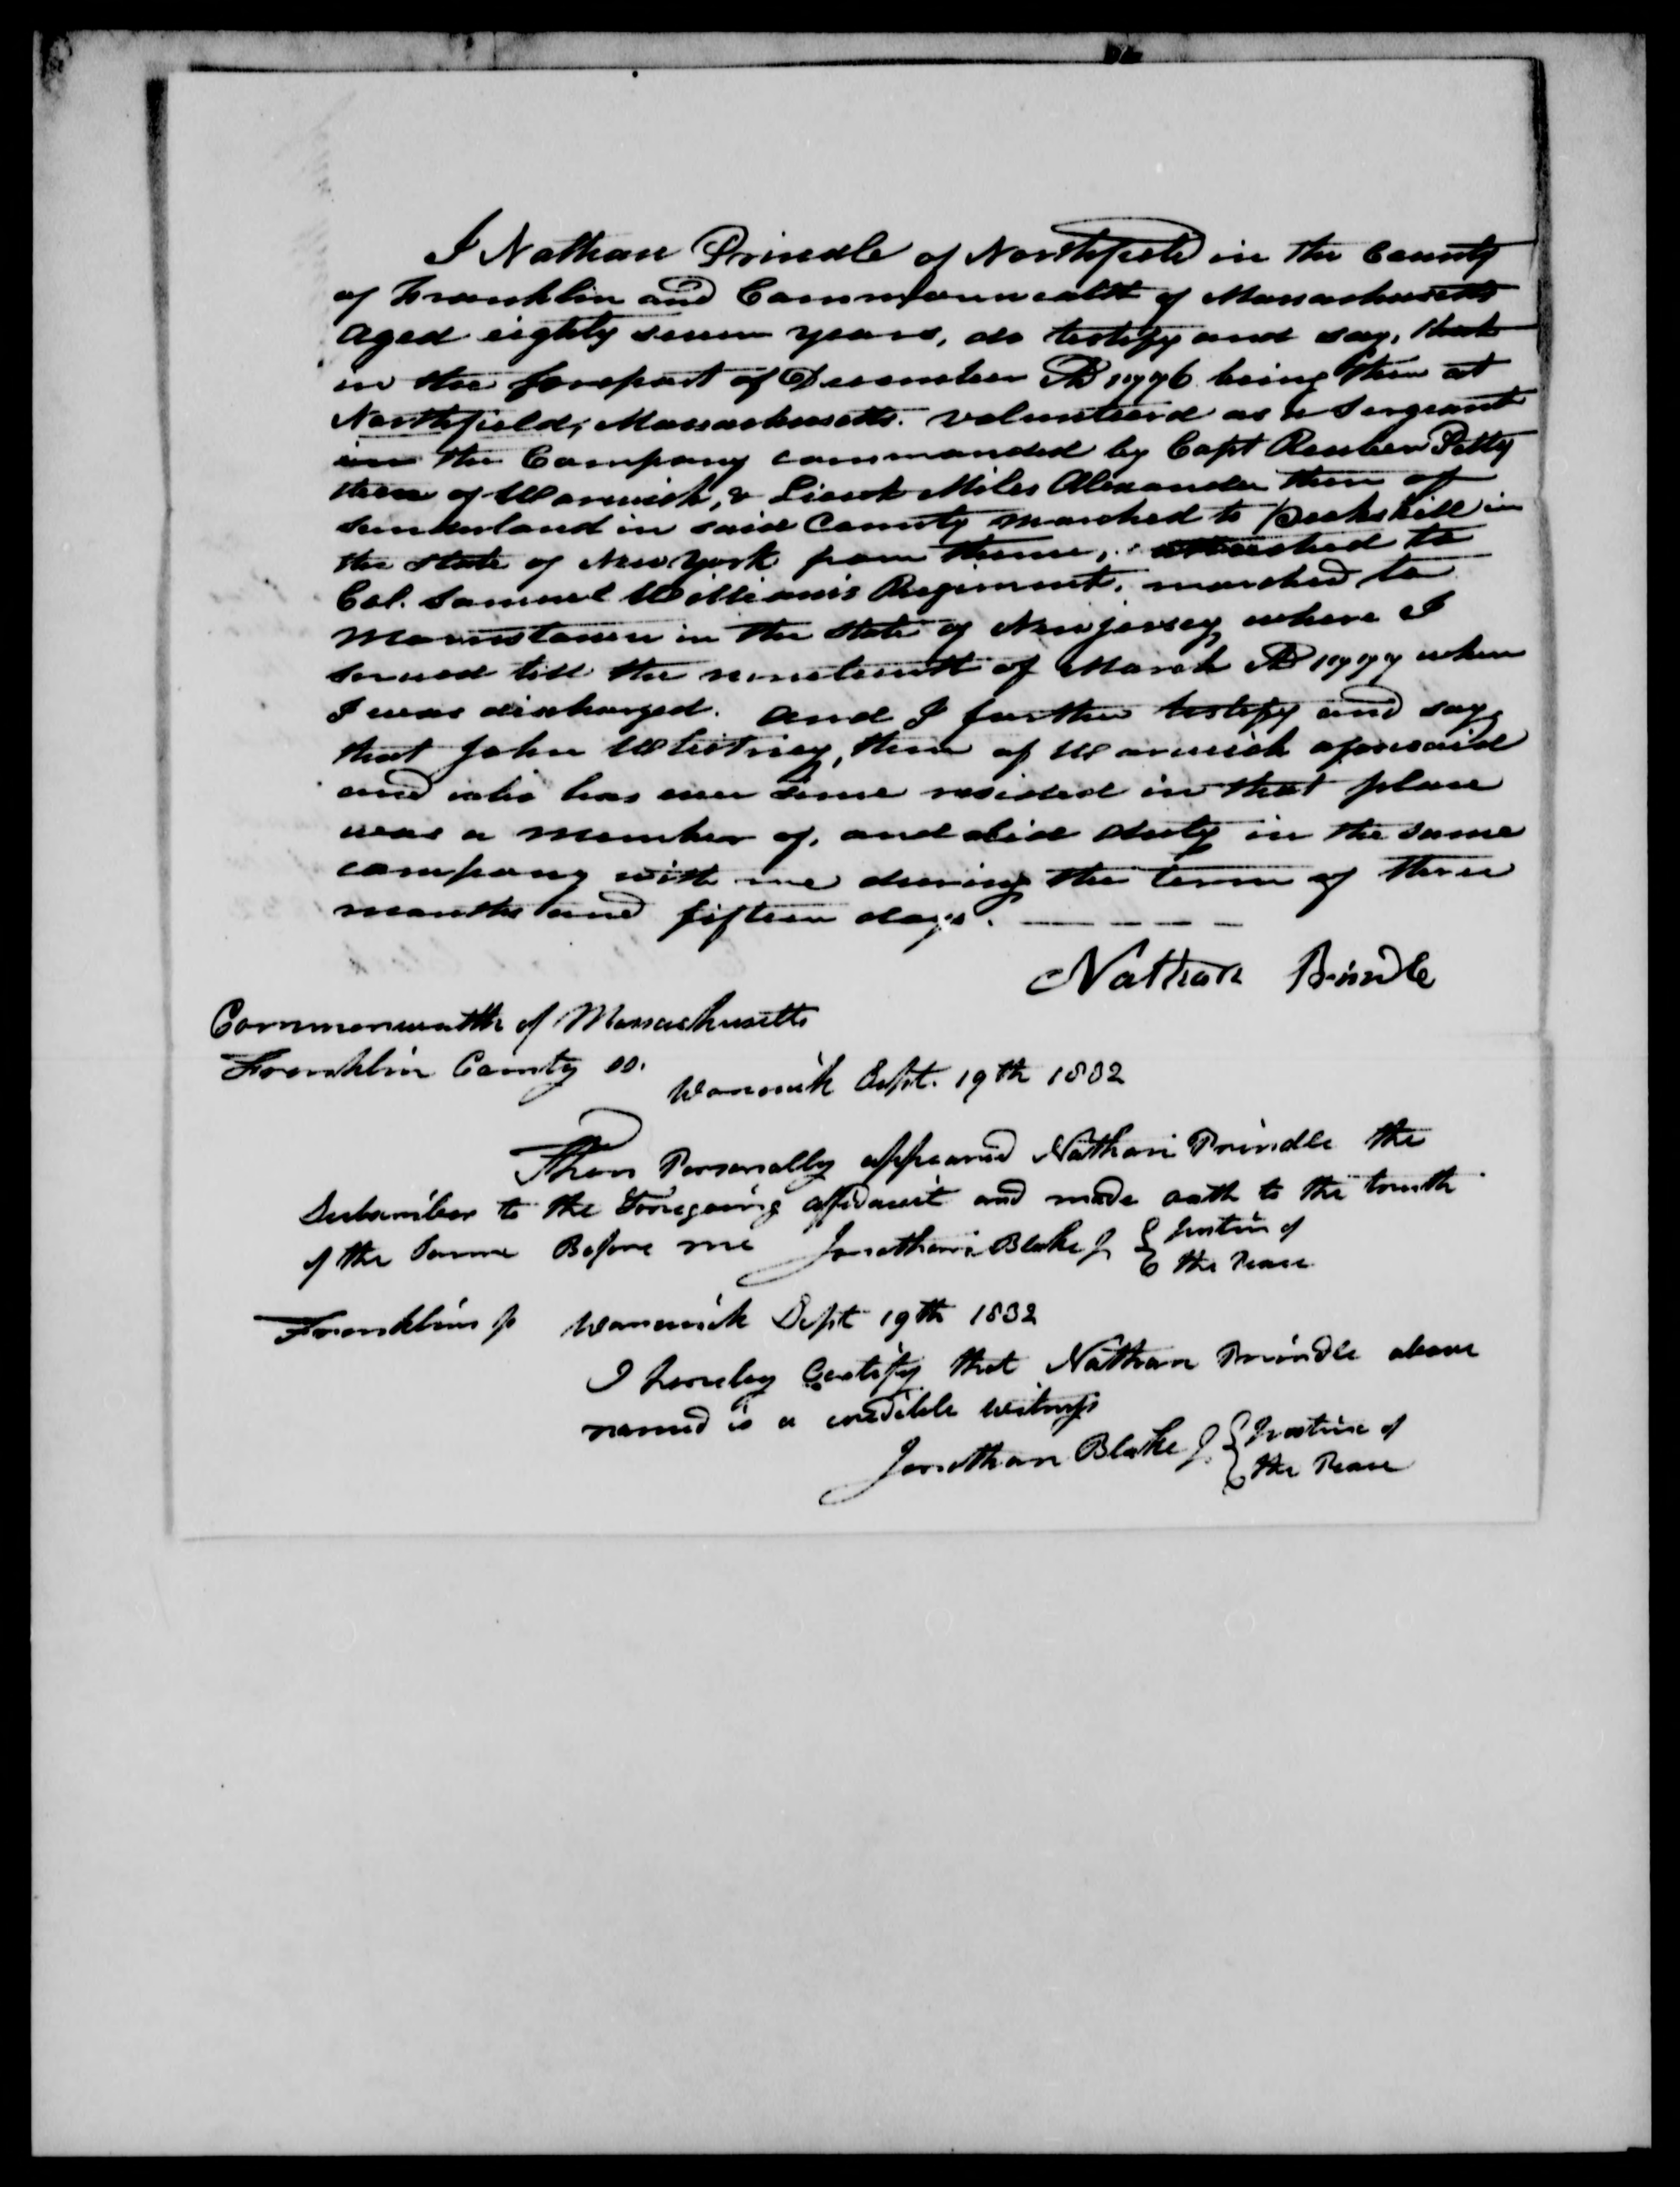I Nathan Prindle of Northfield in the county of Franklin and Commonwealth of Massachusetts aged eighty seven years do testify ad say that in the pore part of December AD 1776 being then at Northfield, Massachusetts volunteered as a sergeant in the Company commanded by Capt. Reuben Petty then of Warwick & ieiut. Miles Alexander then of Sunderland in said County marched to Peekskill in the State of New York from then marched to Col, Samuel Williams's Regiment, marched to Morristown in the State of New Jersey where I served till the seventeenth of March AD 1777 when I was discharged. And I further testify and say that john Whitney then of Warwick aforesaid and who has ever since resided in that place was a member of and did duty in the same company with me during the term of three months and fifteen days.
Nathan Prindle

Commonwealth of Massachusetts
Franklin County SS
Warwick Sept. 19th 1832
Then personally appeared Nathan Prindle the subscriber to the foregoing affidavit and made oath to the truth of the same.
Before me, Jonathan Blake Jr. Justice of the Peace
Franklin SS Warwick Sept. 19th 1832
I hereby certify that Nathan Prindle above named is a credible witness.
Jonathan Blank Jr., Justice of the peace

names: Miles Alexander, Reuben Petty, Nathan Prindle, John Whitney, Jonathan Blake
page: 9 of 10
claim: survivor's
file: S. 30,203, John Whitney, Mass.